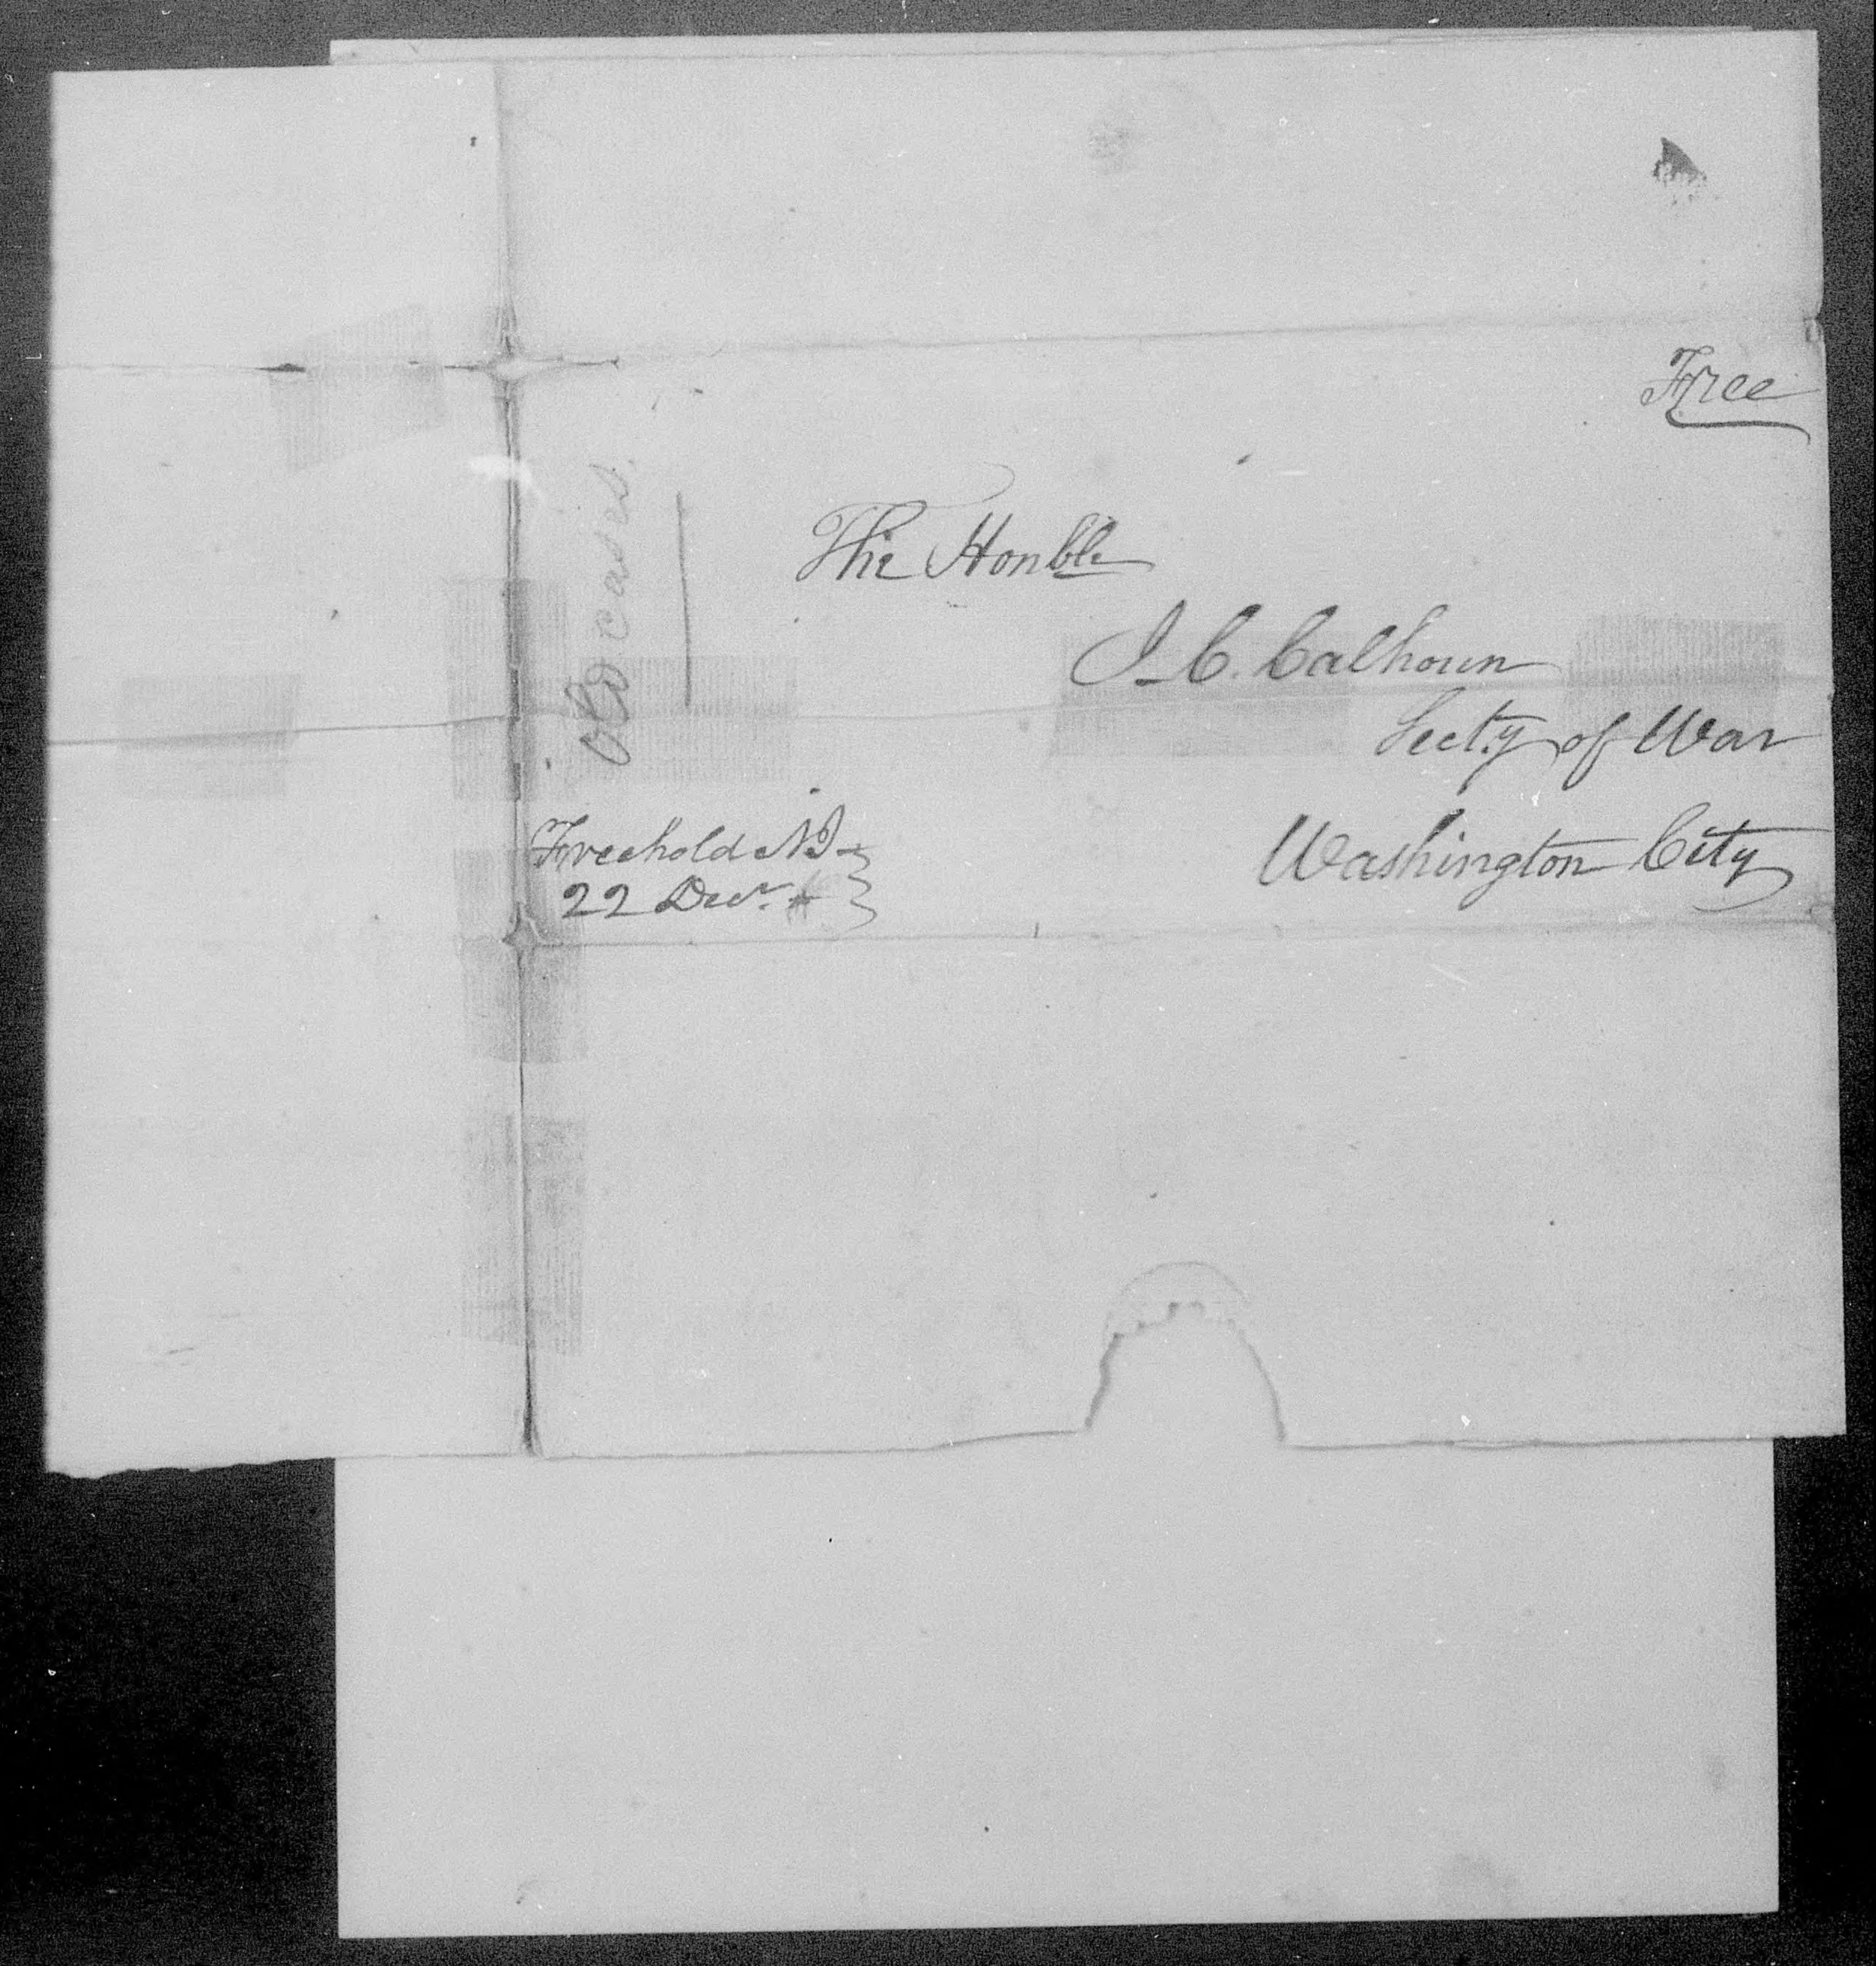Free

The Honble
             J.C. Calhoun
                     Secty of War
                     Washington City

Freehold NJ
22 Dec. 

old cases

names: J C Calhoun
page: 11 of 12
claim: survivor's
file: S. 34,471, for Abraham Peterson, New Jersey